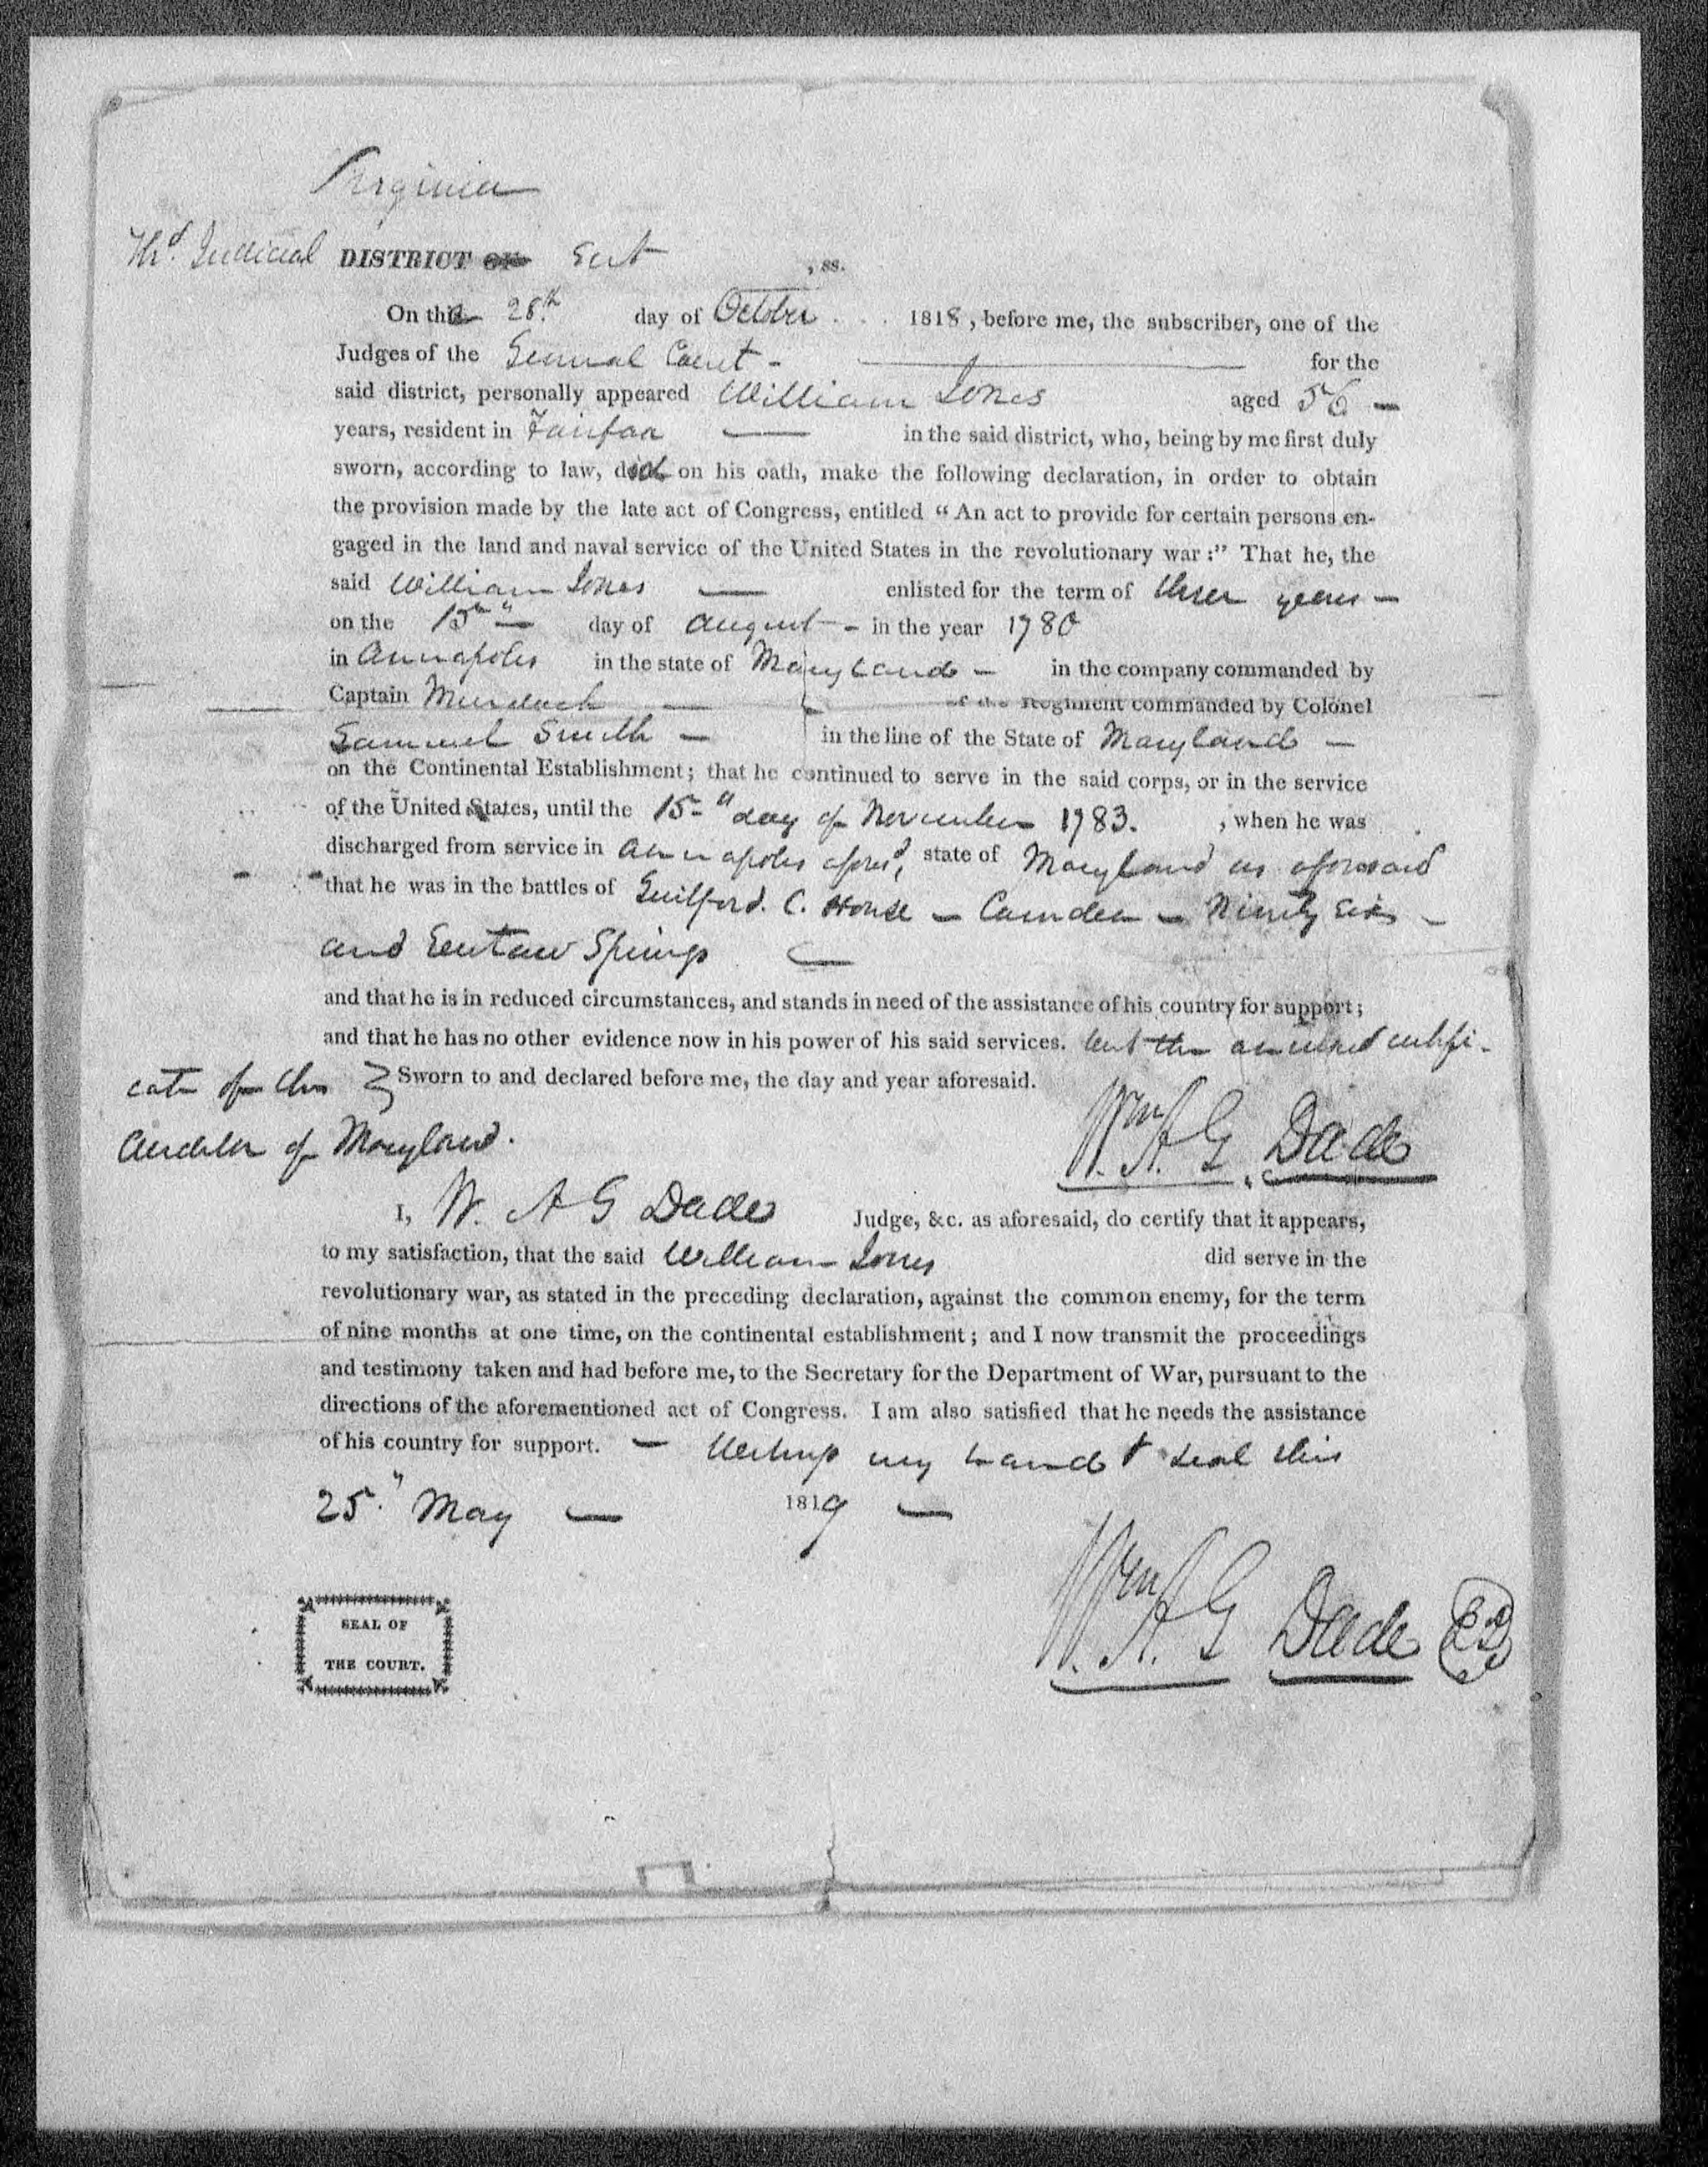Virginia

Th'd. Judicial DISTRICT OF[crossed out] Sect,  ss
On the 28th day of October 1818, before me, the subscriber, one of the Judges of the General Court for the district, personally appeared William Jones aged 56 - years, resident in Fairfax ----in the said district, who, being by me first duly sworn, according to law, did on his oath, make the following declaration, in order to obtain the provision made by the late act of Congress, entitled "An act to provide for certain persons engaged in the land and naval service of the United States in the revolutionary war:" That he, the said William Jones ---enlisted for the term of three years -- on the 15th -- day of August in the year 1780 in Annapolis in the state of Maryland- in the Continental Establishment; that he continued to serve in the said corp, or in the service of the United States, until the 15th day of November 1783.   , when he was discharged from service in Annapolis aforesaid, state of Maryland as aforesaid that he was in the battles of Guilford C. House - Camden - Ninety Six - and Eutaw Springs
and that he is in reduced circumstances, and stands in need of assistance of his country for support; and that he has no other evidence now in his power of his said services. but this award[?] certificate of clm[?]  Auditor of Maryland} Sworn to and declared before me, the day and year aforesaid.
Wm. A.G. Dade

I, W. A S Dade Judge, &c. as aforesaid, do certify that it appears, to my satisfaction, that the said William Jones did serve in the revolutionary war, as stated in the preceding declaration, against the common enemy, of the term of nine month at one time, on the continental establishment: and I now transmit the proceedings and testimony taken and had before me, to the Secretary for the Department of War, pursuant to the directions of the aforementioned act of Congress. I am also satisfied that he needs the assistance of his country for support.  --  Hereunto[?] my hand + seal this 25th May -- 1819 -- 
Wm. A.G. Dade LD

SEAL OF
THE COURT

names: William Jones; Samuel Smith; Guilford C House; Wm A G Dade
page: 16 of 39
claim: widow's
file: W 6292, for William Jones, Maryland